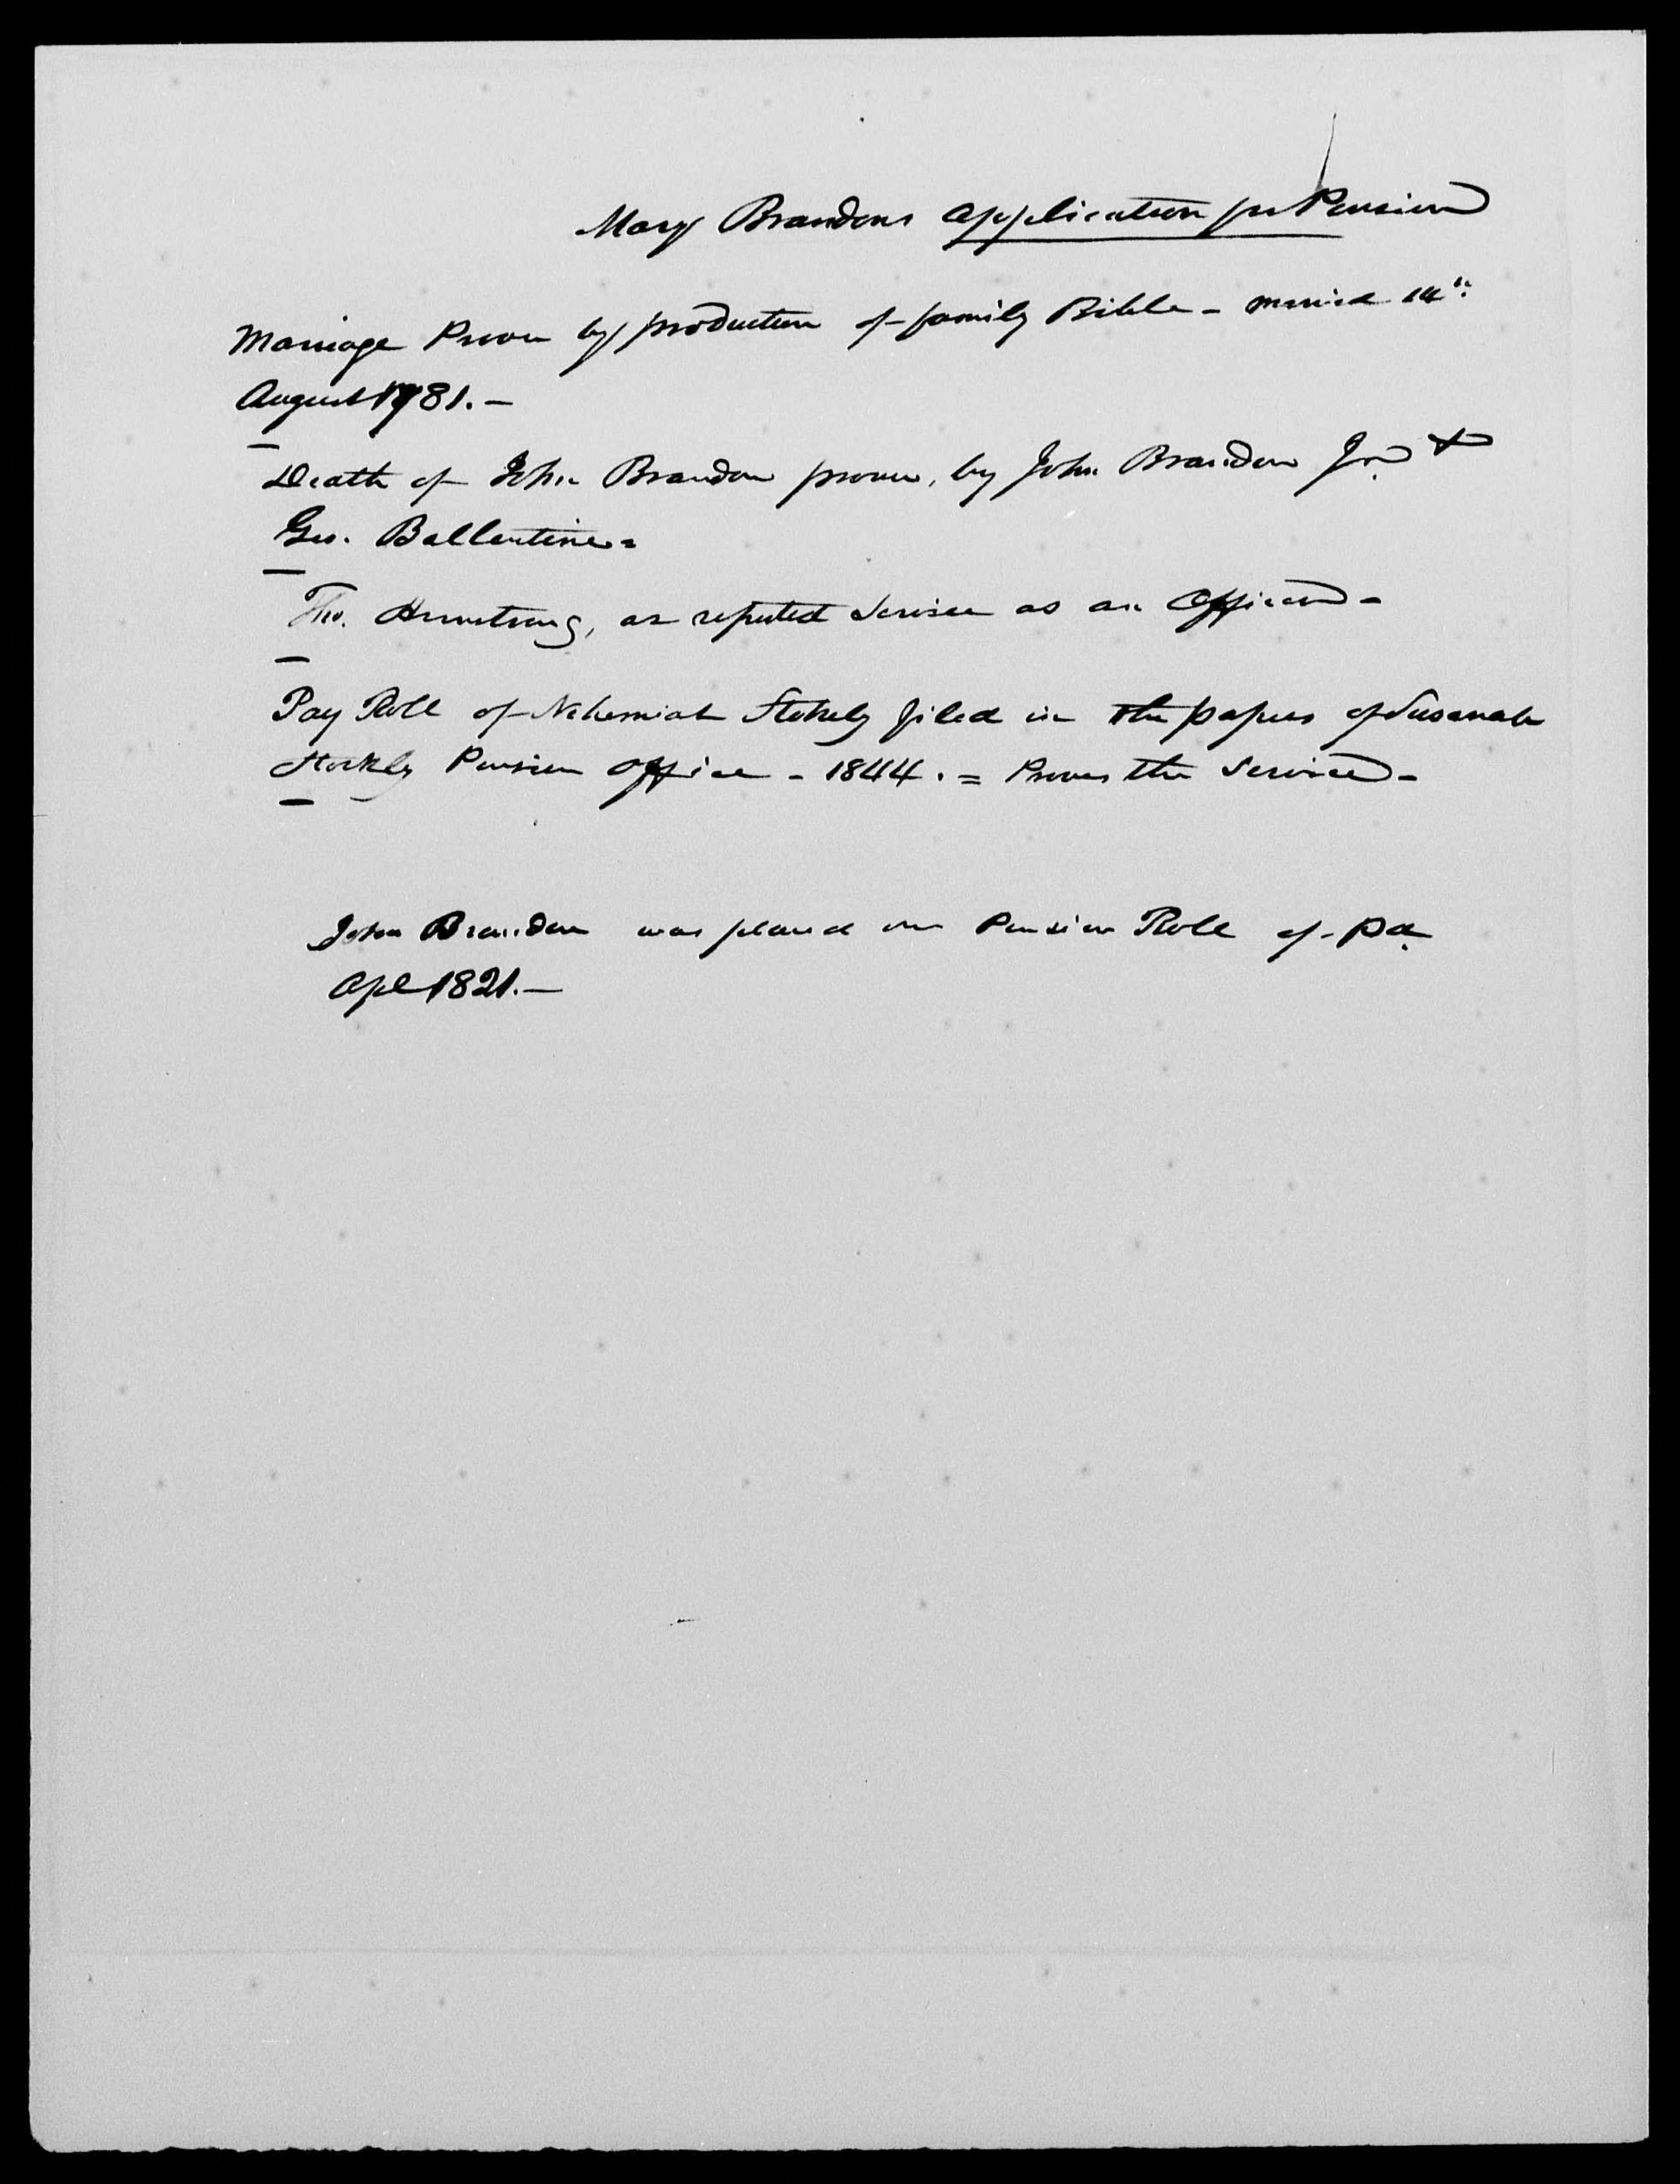Mary Brandon application for Pension
Marriage proven by production of family Bible - married 14th August 1781.-
-
Death of John Brandon proven by John Brandon Jr. & Geo. Ballentine.
-
Tho. Armstrong, as reputed service as an Officer-
-
Pay Roll of Nehemiah Stokely filed in the papers of Susanah Stockly Pension Office - 1844. = proves the service-
-

John Brandon was placed on Pension Roll of Pa Apl 1821.--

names: Geo Ballentine, Tho Armstrong, John Brandon, Mary Brandon, Nehemiah Stokely, Susanah Stockly, John Brandon, John Brandon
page: 34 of 83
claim: widow's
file: W. 5946, John Brandon, Penn